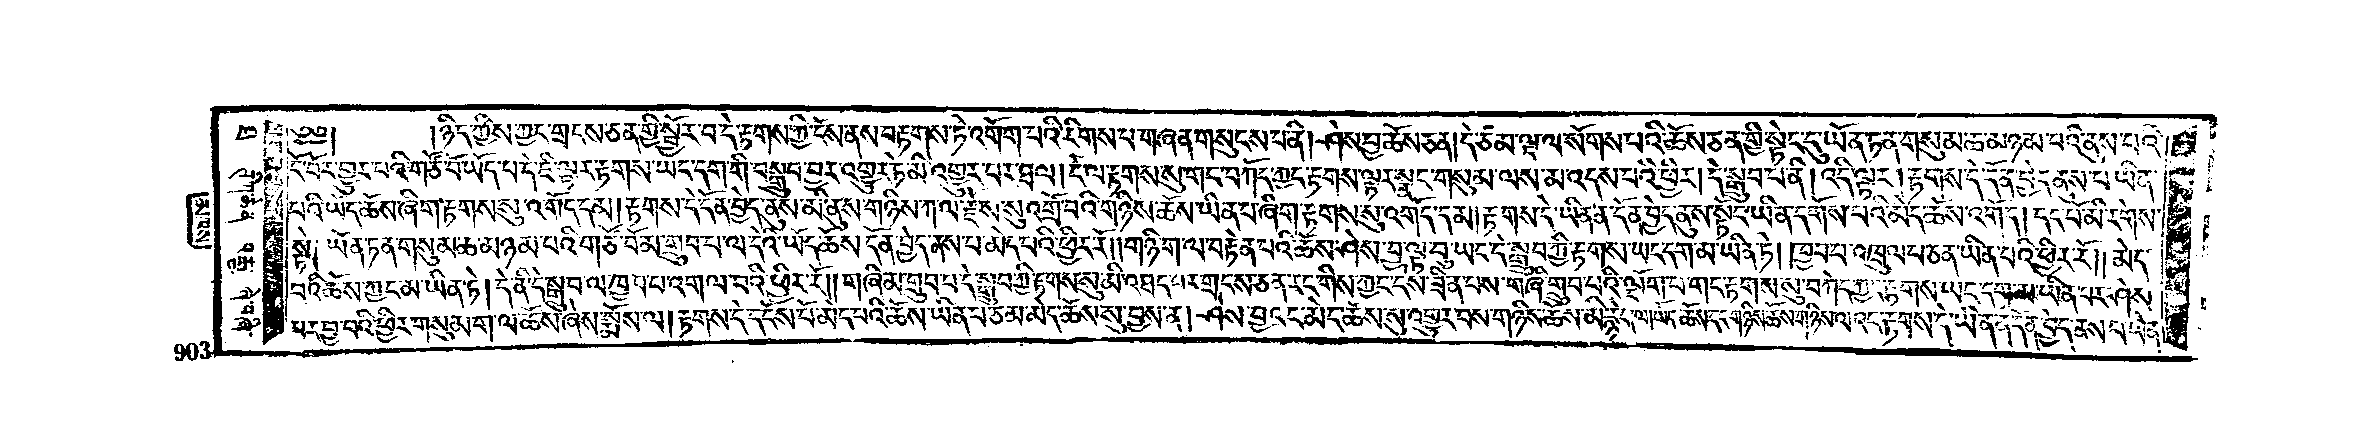༄༅། །ཉིད་ཀྱིས་ཀྱང་གྲངས་ཅན་གྱི་སྦྱོར་བ་དེ་རྟགས་ཀྱི་ངོས་ནས་བརྟགས་ཏེ་འགོག་པའི་རིགས་པ་གཞན་གསུངས་པ་ནི། ཤེས་བྱ་ཆོས་ཅན། དེ་ཙམ་ལྔ་ལ་སོགས་པའི་ཆོས་ཅན་གྱི་སྟེང་དུ་ཡོན་ཏན་གསུམ་ཆ་མཉམ་པའི་ནུས་པའི་
ངོ་བོར་གྱུར་པའི་གཙོ་བོ་ཡོད་པ་དེ་ཇི་ལྟར་རྟགས་ཡང་དག་གི་བསྒྲུབ་བྱར་འགྱུར་ཏེ་མི་འགྱུར་པར་ཐལ། དེ་ལ་རྟགས་སུ་གང་བཀོད་ཀྱང་རྟགས་ལྟར་སྣང་གསུམ་ལས་མ་འདས་པའི་ཕྱིར། དེ་སྒྲུབ་པ་ནི། འདི་ལྟར། རྟགས་དེ་དོན་བྱེད་ནུས་པ་ཡིན་
པའི་ཡོད་ཆོས་ཞིག་རྟགས་སུ་བཀོད་དམ། རྟགས་དེ་དོན་བྱེད་ནུས་མི་ནུས་གཉིས་ཀ་ལ་རྫས་སུ་འགྲོ་བའི་གཉིས་ཆོས་ཡིན་པ་ཞིག་རྟགས་སུ་བགོད་དམ། རྟགས་དེ་ཡིན་ན་དོན་བྱེད་ནུས་སྟོང་ཡིན་དགོས་པའི་མེད་ཆོས་འགོད། དང་པོ་མི་རིགས་
སྟེ། ཡོན་ཏན་གསུམ་ཆ་མཉམ་པའི་གཙོ་བོ་མ་གྲུབ་པ་ལ་དེའི་ཡོད་ཆོས་དོན་བྱེད་ནུས་པ་མེད་པའི་ཕྱིར་རོ། །གཉི་ག་ལ་བརྟེན་པའི་ཆོས་ཤེས་བྱ་ལྟ་བུ་ཡང་དེ་སྒྲུབ་ཀྱི་རྟགས་ཡང་དག་མ་ཡིན་ཏེ། ཁྱབ་པ་འཁྲུལ་པ་ཅན་ཡིན་པའི་ཕྱིར་རོ། །མེད་
པའི་ཆོས་ཀྱང་མ་ཡིན་ཏེ། དེ་ནི་དེ་སྒྲུབ་ལ་ཁྱབ་པ་འགལ་བའི་ཕྱིར་རོ། །གཞི་མ་གྲུབ་པ་དེ་སྒྲུབ་ཀྱི་རྟགས་སུ་མི་འཐད་པར་གྲངས་ཅན་རང་གིས་ཀྱང་ངེས་ཟིན་པས་གཞི་གྲུབ་པའི་ལྡོག་པ་གང་རྟགས་སུ་བཀོད་ཀྱང་རྟགས་ཡང་དག་མ་ཡིན་པར་ཤེས་
པར་བྱ་བའི་ཕྱིར་གསུམ་ག་ལ་ཆོས་ཞེས་སྨོས་ལ། རྟགས་དེ་དངོས་པོ་མེད་པའི་ཆོས་ཡིན་པ་ཙམ་མེད་ཆོས་སུ་བྱས་ན། ཤེས་བྱའང་མེད་ཆོས་སུ་འགྱུར་བས་གཉིས་ཆོས་མི་རྙེད་ལ། ཡོད་ཆོས་དང་གཉིས་ཆོས་གཉིས་ལའང་རྟགས་དེ་ཡིན་ན་དོན་བྱེད་ནུས་པ་ཡིན་